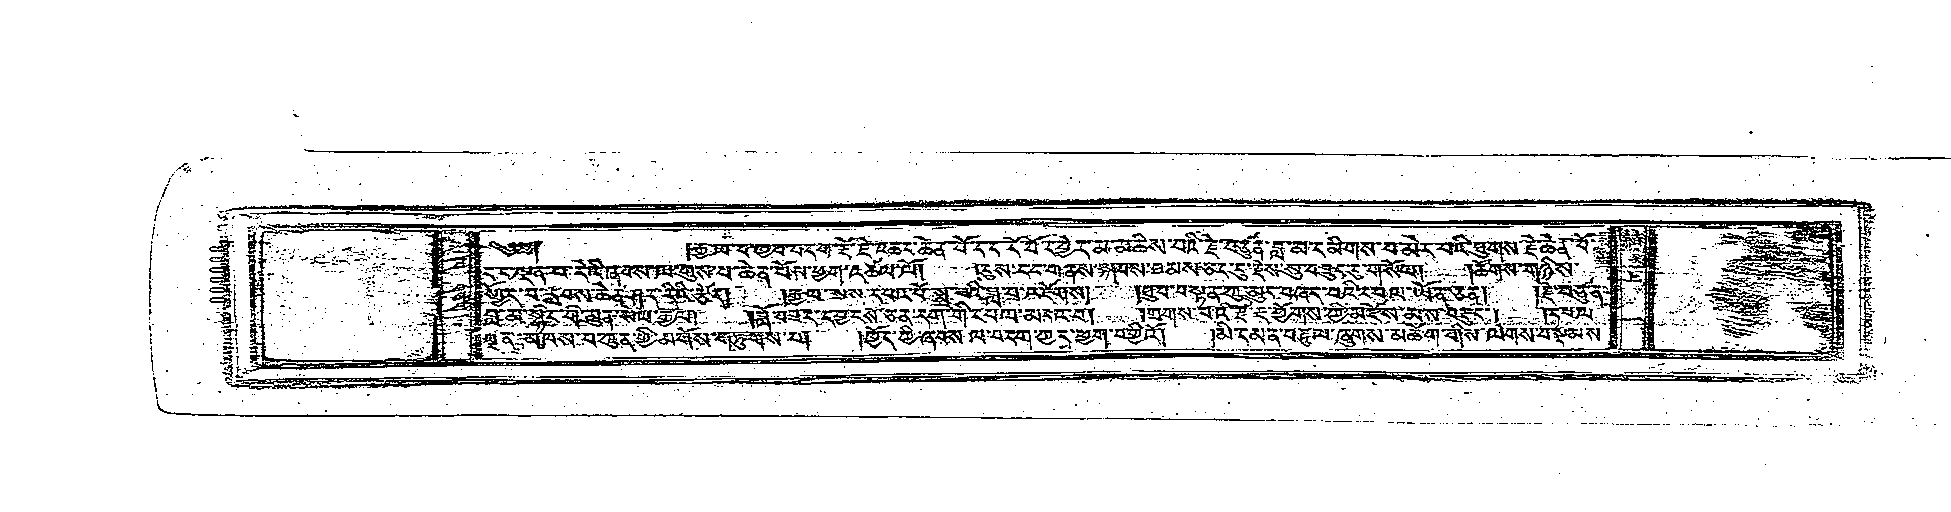༄༅༅། །རྒྱལ་བ་ཁྱབ་བདག་རྡོ་རྗེ་འཆང་ཆེན་པོ་ངང་ངོ་བོ་དབྱེར་མ་མཆིས་པའི་རྗེ་བཙུན་བླ་མ་དམིགས་བ་མེད་བའི་ཐུགས་རྗེ་ཆེན་བོ་
དང་ལྡན་པ་དེའི་ཞབས་ལ་གུས་པ་ཆེན་པོས་ཕྱག་འཚལ་ལོ། །དུས་དང་གནས་སྐབས་ཐམས་ཅད་དུ་རྗེས་སུ་བཟུང་དུ་གསོལ། །ཚོགས་གཉིས་
སྤྱོད་པ་རླབས་ཆེན་ཤར་རིའི་རྩོད། །རྒྱལ་སྲས་དཔའ་བོ་སྨྲ་བའི་ཟླ་བ་འཇོགས། །ཐུབ་བསྟན་ཀུ་མུང་བཞད་པའི་དཔལ་ཡོན་ཅན། །རྗེ་བཙུན་
བླ་མ་སྙིང་གི་མུན་སེལ་རྒྱལ། །བློ་བཟང་དབྱངས་ཅན་དག་གི་དཔལ་མངའ་བ། །གྲགས་བའི་རྫ་རྡ་ཕྱོགས་ཀྱི་མཛེས་མས་བརྡུང་། །དཔལ་
ལྡན་མཁས་པ་ཀུན་གྱི་མགོས་གཏུགས་པ། །ཁྱོད་ཀྱི་ཞབས་ལ་བདག་ཀྱང་ཕྱག་བགྱིའོ། །མི་དམན་བརྟུལ་ཞུགས་མཆོག་གིས་ལེགས་བསྡམས་